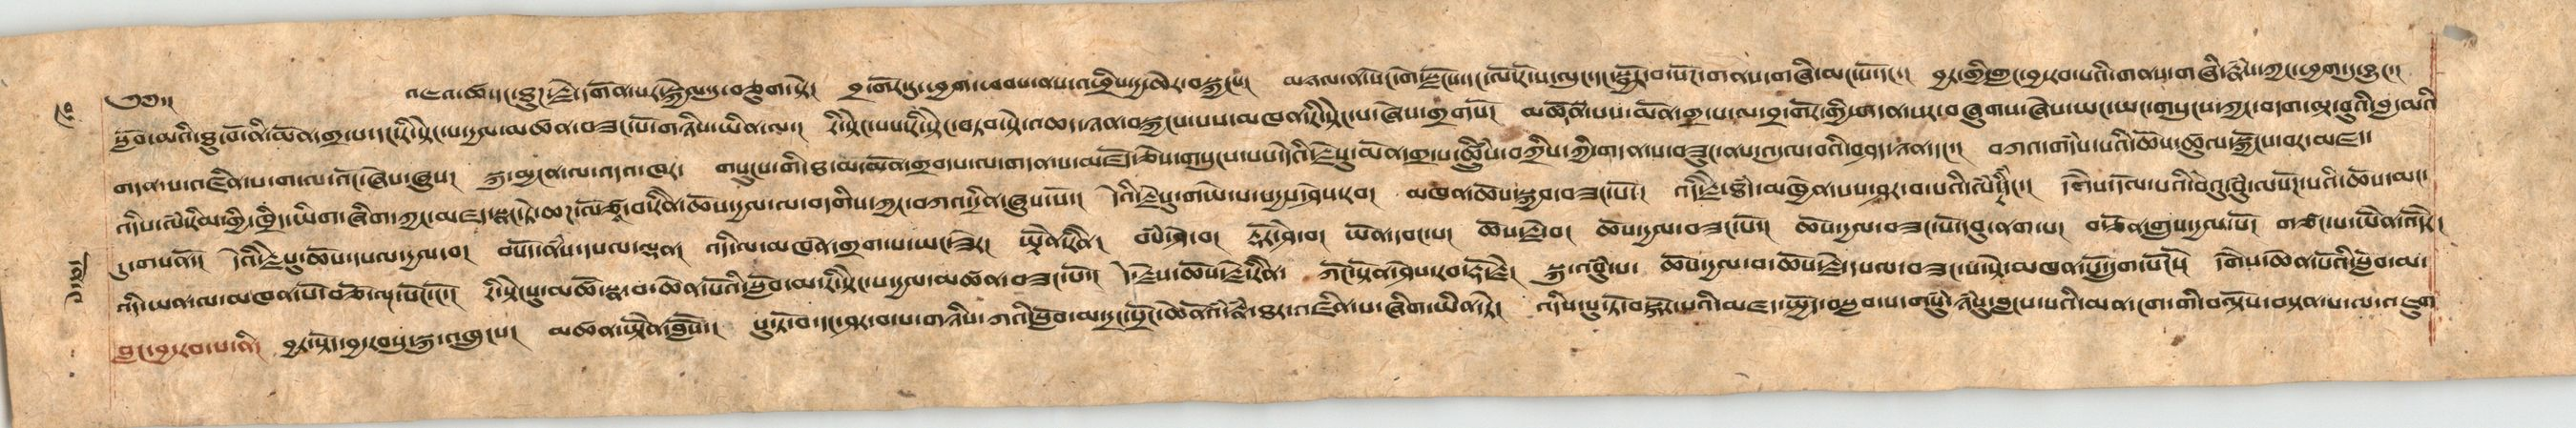འཇའ་ཚ་དང་ཐུཌ་རྗེ་དགོན་པར་སྐྱེལ་དུ་བཅུག་སྟེ། བྲ་གོར་དུ་ཕྱག་ཕབས་ནས་འཕྲིས་ཆེར་བསྐྱངས། མཉལ་ན་སེང་གེ་སྫོངས་དང་ལོ་རོ་ས་ལུང་དང་སྦྱོར་བ་སོཌ་གནས་གཞི་མང་པོ་དང་། བྱར་གྱི་གླང་བྱ་རབ་པའི་གནས་གཞི་རྣཾས་ཀྱང་ཕྱག་དུ་བྱུང་།
སློབ་མའི་ཐུ་བོ་ནི་མོན་གྲ་པ་དང་རི་སྟེང་པ་དྱལ་མཚན་བཟང་པོ་གཉིས་ཡིན་ལ། རི་སྟེང་པས་རི་སྟེང་བཏབ་སྟེ་འཆད་ཉན་བསྐྱངས་པས་མཁན་རི་སྟེང་པ་ཞེས་གྲགསོ། མཚོ་སྣ་པས་མོན་གྲ་པ་ལ་བྲ་གོར་གྱི་གདན་སར་བཞུགས་ཞེས་ཡང་ཡང་གསུངས་ཀྱང་བདག་ལྟ་བུའི་བླ་མའི
གདན་ས་འཛིན་པ་ག་ལ་འོང་ཞེས་ཞུས། སྐུ་མྱངན་ལ་འདའ་ཁར་ གསུངས་གི་ཐ་མ་མོན་གྲབ་པ་ལ་གདན་ས་མཛོད་ཅེས་གསུངས་པས་དེའི་རྗེསུ་མོན་གྲ་པ་ཚྲིུཾས་བཀྲིས་ཀྱི་གདན་ས་བཟུང་ནས་འདུལ་བའི་བཤད་ཉན་དང་། བཀའ་གདཾས་པའི་ཆོས་ཚུལ་སྐྱོངས་བར་མཛད།
འདིས་ལཾ་རིམ་གྱི་ཁྲིད་ཡིག་ཞིག་ཀྱང་མཛད་སྣང་ཏེ་ཆཌ་ལོ་ཙཱ་བ་རིནེ་ཆོས་དྱལ་ལ་བདགིས་བཀའ་དྲིན་ཞུས་སོ་། དེའི་རྗེསུ་གཡེ་ས་སདྱས་ཤེས་རབ། མཁན་ཆོས་སྐྱབ་བཟང་པོ་། འདི་རྗེ་ཐཾད་མཁྱེན་པས་ཤར་བ་པའི་ལཾ་རིཾ་དང་། དགཻས་དོལ་པའི་བེའུ་བུཾ་ལསོཌ་པའི་ཆོས་མང་
དུ་གསནོ་། དེའི་རྗེསུ་ཆོས་དཔལ་དྱལ་བ། བསོད་ནཾས་དཔལ་ལྡན། འདི་ལ་མཁན་གྲག་པ་ཡང་ཟེར། ཡྟོནེ་རིནེ། བསཾ་ཤེ་བ། དྷོར་ཤེ་བ། ཡོན་དབང་པ། ཆོས་རྗེ་བ། ཆོས་དྱལ་བཟང་པོ་། ཆོས་དྱལ་བཟང་པོ་དབུ་ནག་པ། བརྩོན་གྲུས་དྱལ་པོ། གཙང་པ་ཡོནེ་འོདེར།
འདི་ཡན་ལ་མཁན་པོ་བཅོ་ལྔ་སོང་ངོ་། རི་སྟེངསུ་མཚོ་སྣ་བ་ཆེན་པོའི་སློབ་མ་རི་སྟེང་པ་དྱལ་མཚན་བཟང་པོ་། དེ་རྗེས་ཆོས་རྗེ་རིེན་ ཀོང་སྟོན་ཤེས་རབ་རྡོ་རྗེ། སྐུ་འབུཾ་པ་ ཆོས་དྱལ་བ་ཆོས་རྗེ་དཔལ་བཟང་པ་སྟེ་མཁན་པོ་དྲུག་སོང་ངོ དགཻས་ཆེན་པོའི་སློབ་མ་
བྱར་སྟོད་བྱ་རབསུ་སྐུ་འཁྲུངས། མཚན་ཡྟོན་བླཽས་། པུ་ཏོ་བ་དང་ཤར་བ་པ་གཉིས་ཀའི་སློབ་མ་དྲང་སྲོང་ཆེོནའཾ་རྣཾ་ཐར་འཛིན་པ་ཞིག་ཡིན་ཏེ། འདིས་པུ་ཏོ་བསྐོར་པའི་མཛད་སྤྱོད་བསླབ་པ་གསུཾ་ཉཾསུ་བླངས་པའི་མན་ངག་གི་བལྟོས་བསྟན་པ་ལ་འཇུག